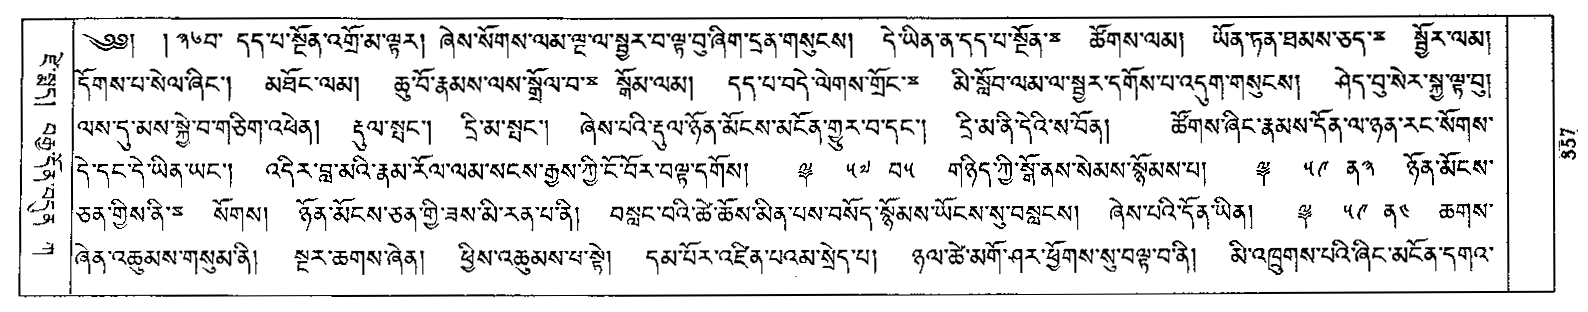༄༅། །༣༦་བ་དད་པ་སྔོན་འགྲོ་མ་ལྟར། ཞེས་སོགས་ལམ་ལྔ་ལ་སྦྱར་བ་ལྟ་བུ་ཞིག་དྲན་གསུངས། དེ་ཡིན་ན་དད་པ་སྔོན་྾་ཚོགས་ལམ། ཡོན་ཏན་ཐམས་ཅད་྾་སྦྱོར་ལམ།
དོགས་པ་སེལ་ཞིང་། མཐོང་ལམ། ཆུ་བོ་རྣམས་ལས་སྒྲོལ་བ་྾་སྒོམ་ལམ། དད་པ་བདེ་ལེགས་གྲོང་྾་མི་སློབ་ལམ་ལ་སྦྱར་དགོས་པ་འདུག་གསུངས། ཤེད་བུ་སེར་སྐྱ་ལྟ་བུ།
ལས་དུ་མས་སྐྱེ་བ་གཅིག་འཕེན། རྡུལ་སྤང་། དྲི་མ་སྤང་། ཞེས་པའི་རྡུལ་ཉོན་མོངས་མངོན་གྱུར་བ་དང་། དྲི་མ་ནི་དེའི་ས་བོན། ཚོགས་ཞིང་རྣམས་དོན་ལ་ཉན་རང་སོགས་
དེ་དང་དེ་ཡིན་ཡང་། འདིར་བླ་མའི་རྣམ་རོལ་ལམ་སངས་རྒྱས་ཀྱི་ངོ་བོར་བལྟ་དགོས། ༈ ༥༧་བ ༥་གཉིད་ཀྱི་སྒོ་ནས་སེམས་སྙོམས་པ། ༈ ༥༩་ན ༣་ཉོན་མོངས་
ཅན་གྱིས་ནི་྾་སོགས། ཉོན་མོངས་ཅན་གྱི་ཟས་མི་རན་པ་ནི། བསླང་བའི་ཚེ་ཆོས་མིན་པས་བསོད་སྙོམས་ཡོངས་སུ་བསླངས། ཞེས་པའི་དོན་ཡིན། ༈ ༥༩་ན ༤་ཆགས་
ཞེན་འཆུམས་གསུམ་ནི། སྔར་ཆགས་ཞེན། ཕྱིས་འཆུམས་པ་སྟེ། དམ་པོར་འཛིན་པའམ་སྲེད་པ། ཉལ་ཚེ་མགོ་ཤར་ཕྱོགས་སུ་བལྟ་བ་ནི། མི་འཁྲུགས་པའི་ཞིང་མངོན་དགའ་